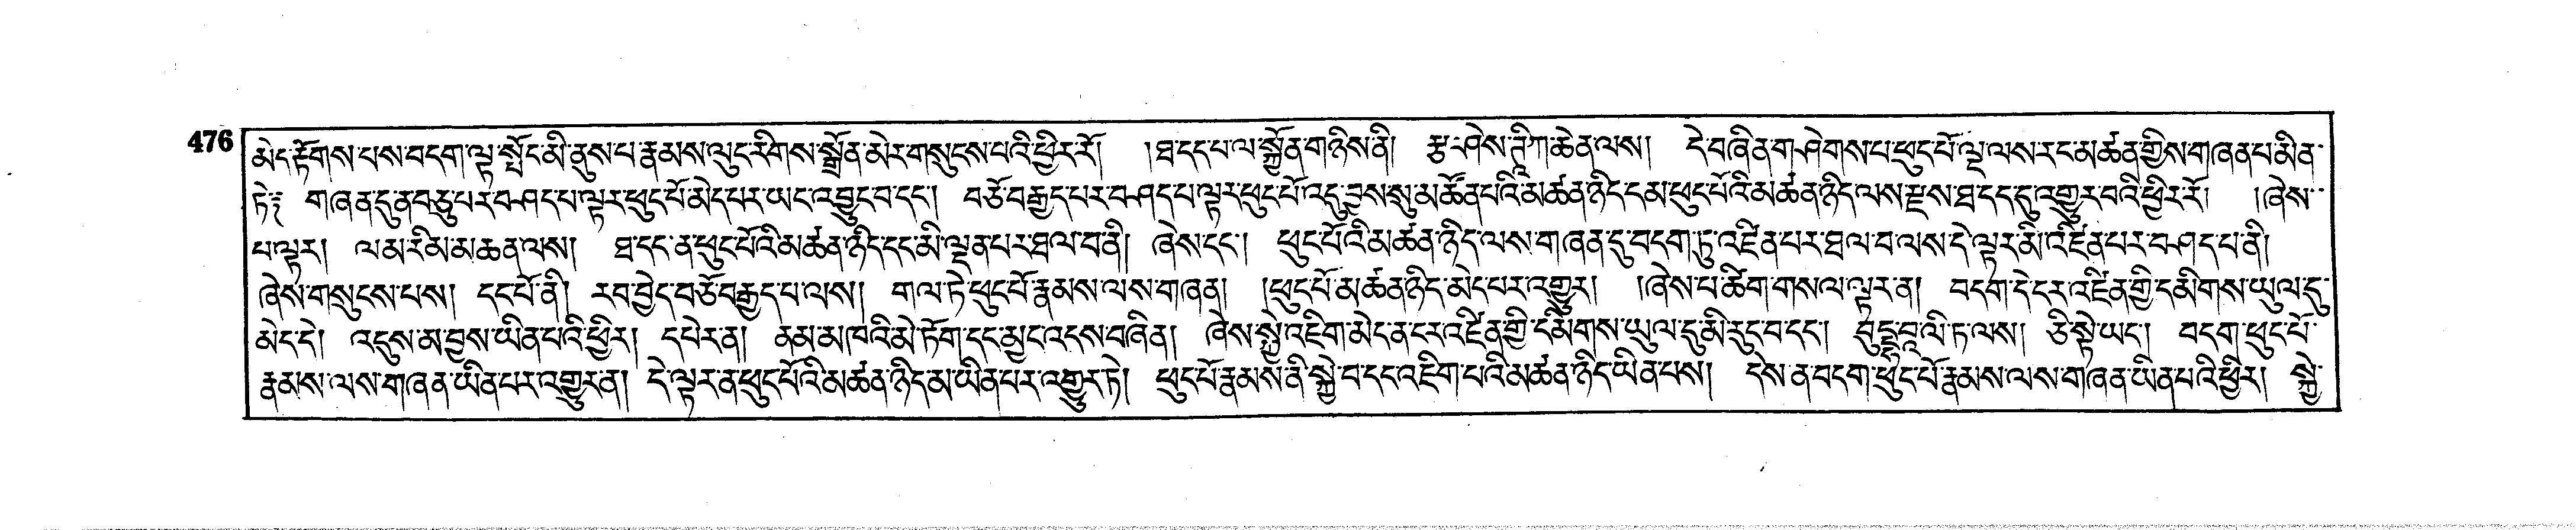མེད་རྟོགས་པས་བདག་ལྟ་སྤོང་མི་ནུས་པ་རྣམས་ལུང་རིགས་སྒྲོན་མེར་གསུངས་པའི་ཕྱིར་རོ། །ཐ་དད་པ་ལ་སྐྱོན་གཉིས་ནི། རྩ་ཤེས་ཊཱིཀ་ཆེན་ལས། དེ་བཞིན་གཤེགས་པ་ཕུང་པོ་ལྔ་ལས་རང་མཚན་གྱིས་གཞན་པ་མིན་
ཏེ། གཞན་དུ་ན་བཅུ་པར་བཤད་པ་ལྟར་ཕུང་པོ་མེད་པར་ཡང་འབྱུང་བ་དང་། བཅོ་བརྒྱད་པར་བཤད་པ་ལྟར་ཕུང་པོ་འདུ་བྱས་སུ་མཚོན་པའི་མཚན་ཉིད་དམ་ཕུང་པོའི་མཚན་ཉིད་ལས་རྫས་ཐ་དད་དུ་འགྱུར་བའི་ཕྱིར་རོ། །ཞེས་
པ་ལྟར། ལམ་རིམ་མཆན་ལས། ཐ་དད་ན་ཕུང་པོའི་མཚན་ཉིད་དང་མི་ལྡན་པར་ཐལ་བ་ནི། ཞེས་དང་། ཕུང་པོའི་མཚན་ཉིད་ལས་གཞན་དུ་བདག་ཏུ་འཛིན་པར་ཐལ་བ་ལས་དེ་ལྟར་མི་འཛིན་པར་བཤད་པ་ནི།
ཞེས་གསུངས་པས། དང་པོ་ནི། རབ་བྱེད་བཅོ་བརྒྱད་པ་ལས། གལ་ཏེ་ཕུང་པོ་རྣམས་ལས་གཞན། །ཕུང་པོ་མཚན་ཉིད་མེད་པར་འགྱུར། །ཞེས་པ་ཚིག་གསལ་ལྟར་ན། བདག་དེ་ངར་འཛིན་གྱི་དམིགས་ཡུལ་དུ་
མེད་དེ། འདུས་མ་བྱས་ཡིན་པའི་ཕྱིར། དཔེར་ན། ནམ་མཁའི་མེ་ཏོག་དང་མྱང་འདས་བཞིན། ཞེས་སྐྱེ་འཇིག་མེད་ན་ངར་འཛིན་གྱི་དམིགས་ཡུལ་དུ་མི་རུང་བ་དང་། བུདྡྷ་བཱ་ལི་ཏ་ལས། ཅི་སྟེ་ཡང་། བདག་ཕུང་པོ་
རྣམས་ལས་གཞན་ཡིན་པར་འགྱུར་ན། དེ་ལྟར་ན་ཕུང་པོའི་མཚན་ཉིད་མ་ཡིན་པར་འགྱུར་ཏེ། ཕུང་པོ་རྣམས་ནི་སྐྱེ་བ་དང་འཇིག་པའི་མཚན་ཉིད་ཡིན་པས། དེས་ན་བདག་ཕུང་པོ་རྣམས་ལས་གཞན་ཡིན་པའི་ཕྱིར། སྐྱེ་